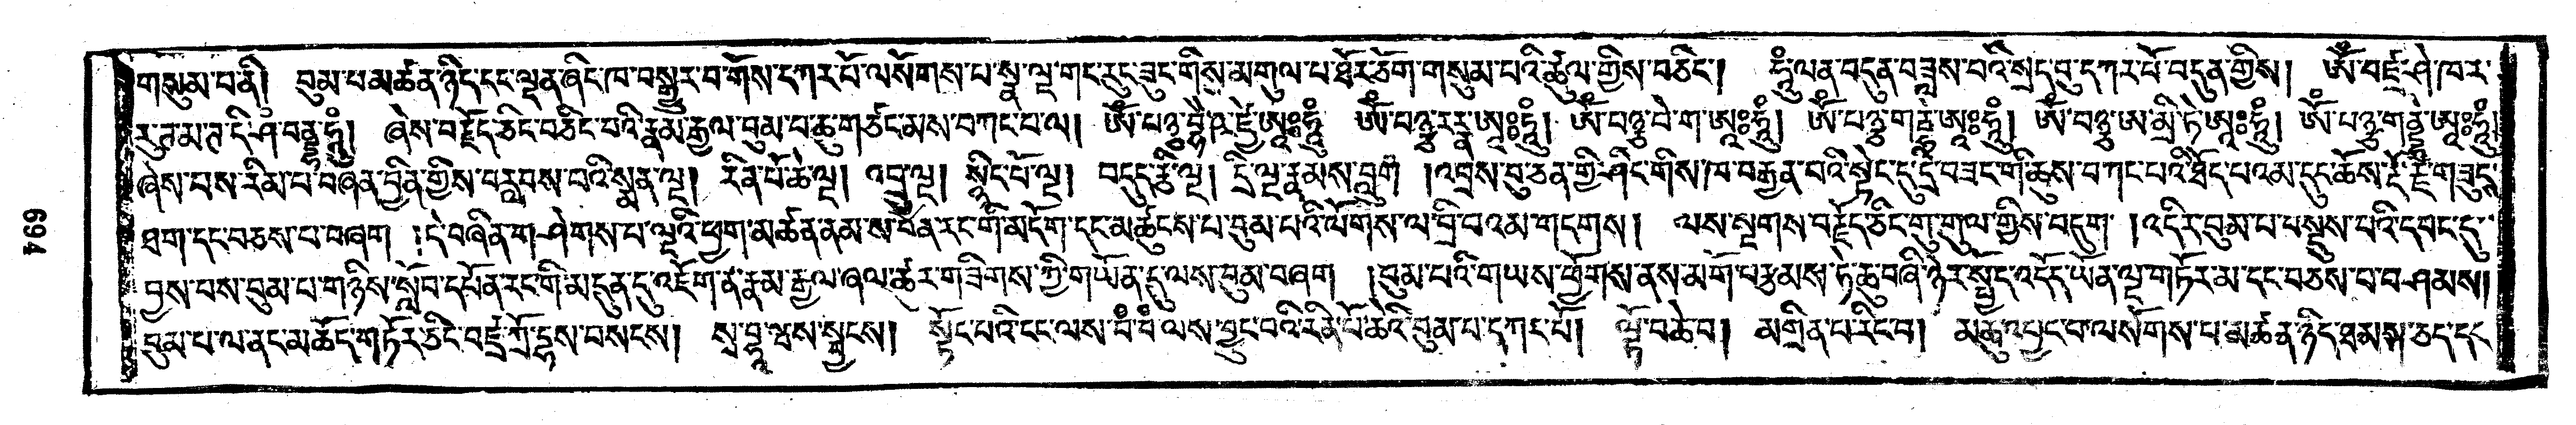གསུམ་པ་ནི། བུམ་པ་མཚན་ཉིད་དང་ལྡན་ཞིང་ཁ་བསྒྱུར་བ་གོས་དཀར་པོ་ལ་སོགས་པ་སྣ་ལྔ་གང་རུང་ཟུང་གིས་མགུལ་པ་ཐོར་ཅོག་གསུམ་པའི་ཚུལ་གྱིས་བཅིང་། ཧཱུཾ་ལན་བདུན་བཟླས་པའི་སྲད་བུ་དཀར་པོ་བདུན་གྱིས། ཨོཾ་བཛྲ་ཤེ་ཁ་ར་
རུ་ཊ་མ་ཊ་དི་ཤ་བནྡྷ་ཧཱུཾ། ཞེས་བརྗོད་ཅིང་བཅིང་པའི་རྣམ་རྒྱལ་བུམ་པ་ཆུ་གཙང་མས་བཀང་པ་ལ། ཨོཾ་པ་ཉ་བྷཻ་ཥ་ཛྱེ་ཨཱཿཧཱུཾ། ཨོཾ་པཉྩ་རརྣ་ཨཱཿཧཱུཾ། ཨོཾ་པཉྩ་བེ་ག་ཨཱཿཧཱུཾ། ཨོཾ་པཉྩ་གརྦྷེ་ཨཱཿཧཱུཾ། ཨོཾ་པཉྩ་ཨ་མྲི་ཏེ་ཨཱཿཧཱུཾ། ཨོཾ་པཉྩ་གནྡྷེ་ཨཱཿཧཱུཾ།
ཞེས་པས་རིམ་པ་བཞིན་བྱིན་གྱིས་བརླབས་པའི་སྨན་ལྔ། རིན་པོ་ཆེ་ལྔ། འབྲུ་ལྔ། སྙིང་པོ་ལྔ། བདུད་རྩི་ལྔ། དྲི་ལྔ་རྣམས་བླུག །འབྲས་བུ་ཅན་གྱི་ཤིང་གིས་ཁ་བརྒྱན་པའི་སྟེང་དུ་དྲི་བཟང་གི་ཆུས་བཀང་པའི་ཐོད་པའམ་དུང་ཆོས་རྡོ་རྗེ་གཟུངས་
ཐག་དང་བཅས་པ་བཞག །དེ་བཞིན་གཤེགས་པ་ལྔའི་ཕྱག་མཚན་ནམ་ས་བོན་རང་གི་མདོག་དང་མཚུངས་པ་བུམ་པའི་ལོགས་ལ་བྲི་པའམ་གདགས། ལས་སྔགས་བརྗོད་ཅིང་གུ་གུལ་གྱིས་བདུག །འདིར་བུམ་པ་བསྡུས་པའི་དབང་དུ་
བྱས་པས་བུམ་པ་གཉིས་སློབ་དཔོན་རང་གི་མདུན་དུ་འཇོག་ན་རྣམ་རྒྱལ་ཞལ་ཚུར་གཟིགས་ཀྱི་གཡོན་དུ་ལས་བུམ་བཞག །བུམ་པའི་གཡས་ཕྱོགས་ནས་མགོ་བརྩམས་ཏེ་ཆུ་བཞི་ཉེར་སྤྱོད་འདོད་ཡོན་ལྔ་གཏོར་མ་དང་བཅས་པ་བཤམས།
བུམ་པ་ལ་ནང་མཆོད་གཏོར་ཅིང་བཛྲ་ཀྲོ་དྷས་བསངས། སྭ་བྷཱ་ཝ་ས་སྦྱངས། སྟོང་པའི་ངང་ལས་བཾ་བཾ་ལས་བྱུང་བའི་རིན་པོ་ཆེའི་བུམ་པ་དཀར་པོ། ལྟོ་བ་ཆེ་བ། མགྲིན་པ་རིང་བ། མཆུ་འྤྱང་བ་ལ་སོགས་པ་མཚན་ཉིད་ཐམས་ཅད་དང་